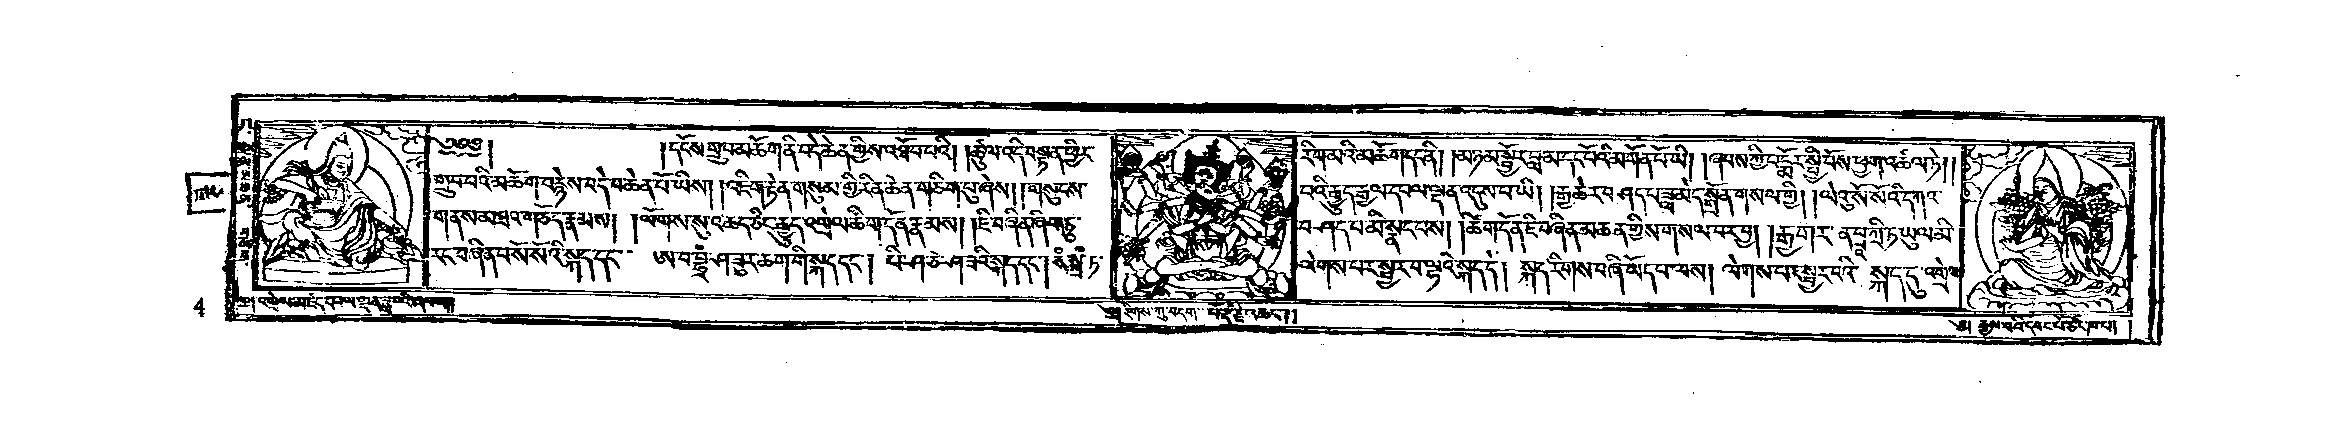༄༅༅། །དངོས་གྲུབ་མཆོག་ནི་བདེ་ཆེན་གྱིས་འཐོབ་པའི། །ཚུལ་འདི་བསྟན་ཕྱིར་་རིག་མའི་མཆོག་དང་ནི། །མཉམ་སྦྱོར་བླ་མ་དང་པོའི་མགོན་པོ་ཡི། །ཞབས་ཀྱི་པདམོར་སྤྱི་བོས་ཕྱག་འཚལ་ཏེ།།
གྲུབ་པའི་མཆོག་བརྙེས་བདེ་བ་ཆེན་པོ་ཡིས། །འཇིག་རྟེན་གསུམ་གྱི་རིན་ཆེན་གཅིག་པུ་ཞེས། །གསུངས་པའི་རྒྱུད་རྒྱལ་དཔལ་ལྡན་འདུས་པ་ཡི། །རྒྱ་ཆེར་བཤད་པ་ཟླ་མེད་སྒྲོན་གསལ་གྱི། །ལེའུ་སོ་སོའི་དཀའ་
གནས་མཐའ་གཅོད་རྣམས། །ལོགས་སུ་འཆད་ཅིང་རྒྱུད་འགྲེལ་ཚིག་དོན་རྣམས། །ཇི་བཞིན་ཞིག་ཏུ་བཤད་པ་མི་སྣང་བས། །ཚིག་དོན་ཇི་བཞིན་མཚན་གྱིས་གསལ་བར་བྱ། །རྒྱ་གར་ན་པྲཱ་ཀྲི་ཏ་ཡུལ་མི་
རང་བཞིན་པ་སོ་སོའི་སྐད་དང་ཨ་བ་བྷྲཾ་ཤ་ཟུར་ཆག་གི་སྐད་དང་། པི་ཤ་ཙ་ཤ་ཟའི་སྐད་དང་། སཾ་སཀརཾ་ཏ་ལེགས་པར་སྦྱར་བ་ལྷའི་སྐད་དེ། སྐད་རིགས་བཞི་ཡོད་པ་ལས། ལེགས་པར་སྦྱར་བའི་སྐད་དུ་འགྲེལ་